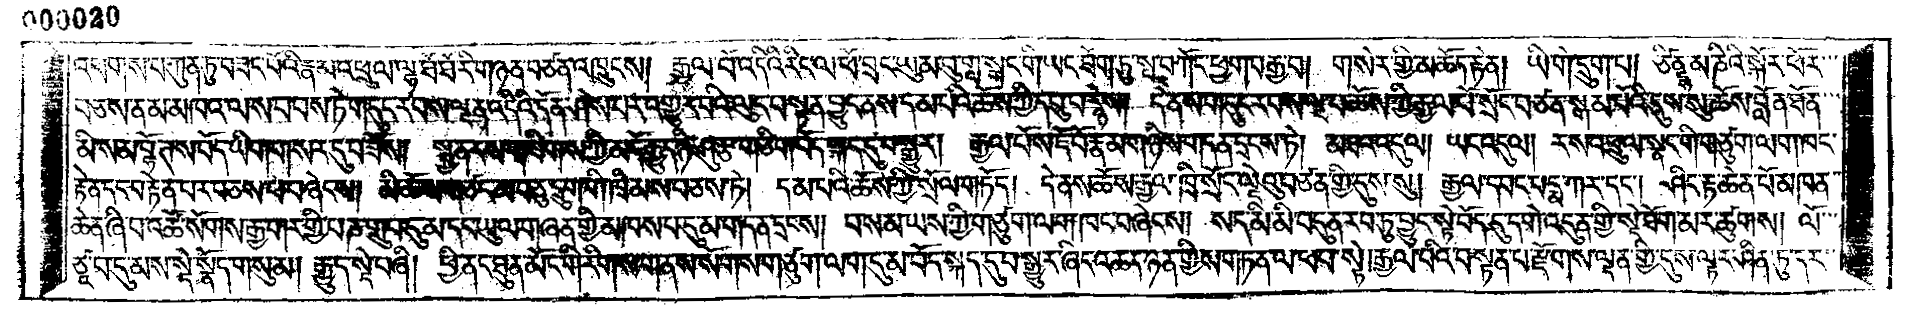འཕགས་པ་ཀུན་ཏུ་བཟང་པོའི་རྣམ་འཕྲུལ་ལྷ་ཐོ་ཐོ་རི་གཉན་བཙན་འཁྲུངས། རྒྱལ་བོ་འདིའི་རིང་ལ་ཕོ་བྲང་ཡུམ་བུ་གླ་སྒང་གི་ཡང་ཐོག་ཏུ་སྤ་བཀོང་ཕྱག་བརྒྱ་བ། གསེར་གྱི་མཆོད་རྟེན། ཡི་གེ་དྲུག་པ། ཙིནྡྷ་མ་ཎིའི་སྐོར་ཕོར་
བཅས་ནམ་མཁའ་ལས་བབས་ཏེ་གདུང་རབས་ལྡན་འདིའི་དོན་ཤེས་པར་འགྱུར་བའི་ལུང་བསྟན་བྱུང་ནས་དམ་པའི་ཆོས་ཀྱི་དབུ་བརྙེས། དེ་ནས་གདུང་རབས་ལྔ་པ་ཆོས་ཀྱི་རྒྱལ་པོ་སྲོང་བཙན་སྒམ་པོའི་དུས་སུ་ཆོས་བློན་ཐོན་
མི་སམ་བྷོ་ཊས་བོད་ཡིག་གསར་དུ་བཟོས། སྤྱན་རས་གཟིགས་ཀྱི་མདོ་རྒྱུད་ཉི་ཤུ་རྩ་གཅིག་བོད་སྐད་དུ་བསྒྱུར། རྒྱལ་པོས་ཇོ་བོ་རྣམ་གཉིས་གདན་དྲངས་ཏེ། མཐའ་འདུལ། ཡང་འདུལ། རས་འཕྲུལ་སྣང་གི་གཙུག་ལག་ཁང་
རྟེན་དང་བརྟེན་པར་བཅས་པ་བཞེངས། མི་ཆོས་གཙང་མ་བཅུ་དྲུག་གི་ཁྲིམས་བཅས་ཏེ། དམ་པའི་ཆོས་ཀྱི་སྲོལ་གཏོད། དེ་ནས་ཆོས་རྒྱལ་ཁྲི་སྲོང་ལྡེའུ་བཙན་གྱི་དུས་སུ། རྒྱལ་དབང་པདམ་ཀར་དང་། ཤིང་རྟ་ཆེན་པོ་མཁན་
ཆེན་ཞི་བ་འཚོ་སོགས་རྒྱ་གར་གྱི་པཎ་གྲུབ་དུ་མ་དང་ཡུལ་གཞན་གྱི་མཁས་པ་དུ་མ་གདན་དྲངས། བསམ་ཡས་ཀྱི་གཙུག་ལག་ཁང་བཞེངས། སད་མི་མི་བདུན་རབ་ཏུ་བྱུང་སྟེ་བོད་དུ་དགེ་འདུན་གྱི་སྡེ་ཐོག་མར་ཚུགས། ལོ་
ཙཱ་བ་དུ་མས་སྡེ་སྣོད་གསུམ། རྒྱུད་སྡེ་བཞི། ཕྱི་ནང་ཐུན་མོང་གི་རིགས་གནས་སོགས་གཙུག་ལག་དུ་མ་བོད་སྐད་དུ་བསྒྱུར་ཞིང་འཆད་ཉན་གྱིས་གཏན་ལ་ཕབ་སྟེ། རྒྱལ་བའི་བསྟན་པ་རྫོགས་ལྡན་གྱི་དུས་ལྟར་ཤིན་ཏུ་དར་